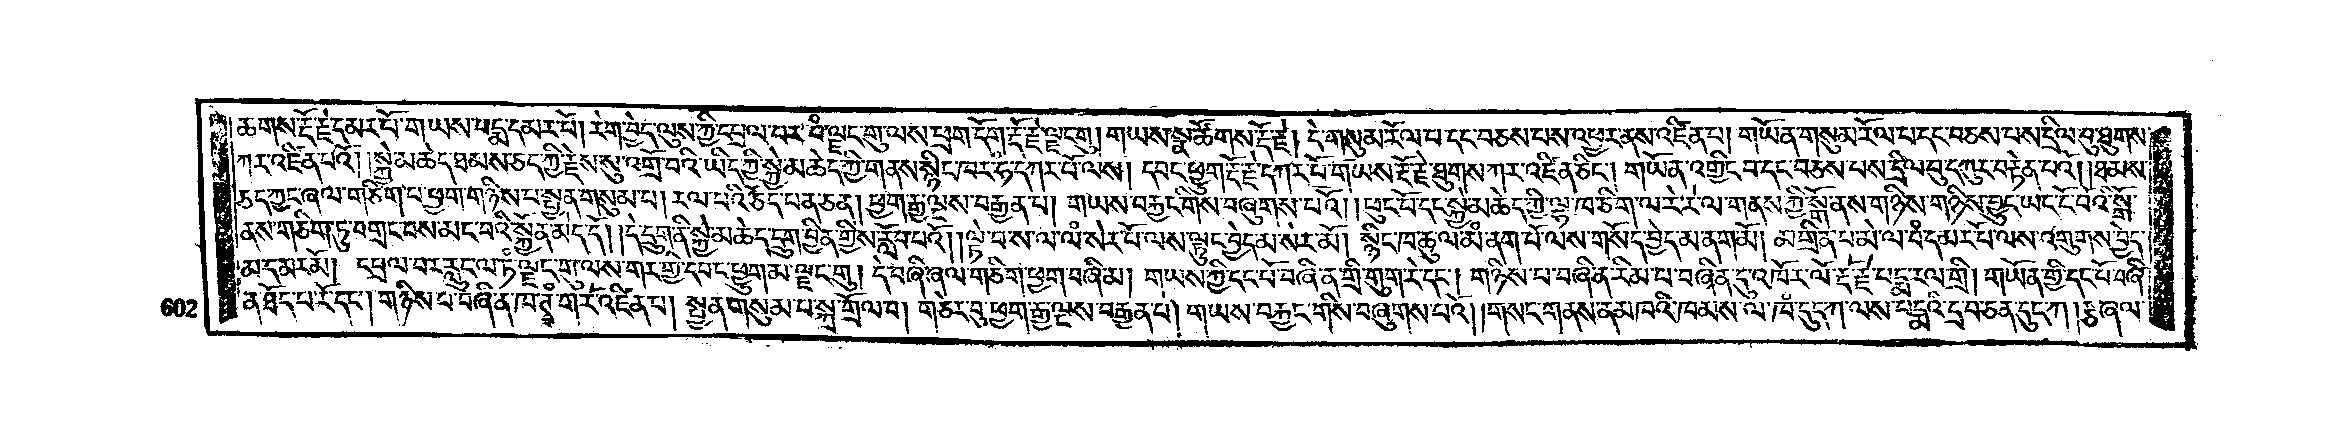ཆགས་རྡོ་རྗེ་དམར་པོ་གཡས་པདམ་དམར་པོ། རེག་བྱེད་ལུས་ཀྱི་དཔྲལ་བར་ཁཾ་ལྗང་གུ་ལས་ཕྲག་དོག་རྡོ་རྗེ་ལྗང་གུ །གཡས་སྣ་ཚོགས་རྡོ་རྗེ། དེ་གསུམ་རོལ་པ་དང་བཅས་པས་འཕྱར་ནས་འཛིན་པ། གཡོན་གསུམ་རོལ་པ་དང་བཅས་པས་དྲིལ་བུ་ཐུགས་
ཀར་འཛིན་པའོ། །སྐྱེ་མཆེད་ཐམས་ཅད་ཀྱི་རྗེས་སུ་འགྲོ་བའི་ཡིད་ཀྱི་སྐྱེ་མཆེད་ཀྱི་གནས་སྙིང་ཁར་ཧཾ་དཀར་པོ་ལས། དབང་ཕྱུག་རྡོ་རྗེ་དཀར་པོ་གཡས་རྡོ་རྗེ་ཐུགས་ཀར་འཛིན་ཅིང་། གཡོན་འགྱིང་བ་དང་བཅས་པས་དྲིལ་བུ་དཀུར་བརྟེན་པའོ། །ཐམས་
ཅད་ཀྱང་ཞལ་གཅིག་པ་ཕྱག་གཉིས་པ་སྤྱན་གསུམ་པ། རལ་པའི་ཅོད་པན་ཅན། ཕྱག་རྒྱ་ལྔས་བརྒྱན་པ། གཡས་བརྐྱང་གིས་བཞུགས་པའོ། །ཕུང་པོ་དང་སྐྱེ་མཆེད་ཀྱི་ལྷ་ཁ་ཅིག་ལ་རེ་རེ་ལ་གནས་ཀྱི་སྒོ་ནས་གཉིས་གཉིས་བྱུང་ཡང་ངོ་བོའི་སྒོ་
ནས་གཅིག་ཏུ་བགྲང་བས་མང་བའི་སྐྱོན་མེད་དོ། །དེ་དྲུག་ནི་སྐྱེ་མཆེད་དྲུག་བྱིན་གྱིས་རློབ་པའོ། །ལྟེ་བ་ས་ལ་ལཾ་སེར་པོ་ལས་ལྟུང་བྱེད་མ་སེར་མོ། སྙིང་ཁ་ཆུ་ལ་མཾ་ནག་པོ་ལས་གསོད་བྱེད་མ་ནག་མོ། མགྲིན་པ་མེ་ལ་བཾ་དམར་པོ་ལས་འགུགས་བྱེད་
མ་དམར་མོ། དཔྲལ་བར་རླུང་ལ་ཏཾ་ལྗང་གུ་ལས་གར་གྱི་དབང་ཕྱུག་མ་ལྗང་གུ། དེ་བཞི་ཞལ་གཅིག་ཕྱག་བཞི་མ། གཡས་ཀྱི་དང་པོ་བཞི་ན་གྲི་གུག་རེ་དང་། གཉིས་པ་བཞིན་རིམ་པ་བཞིན་དུ་འཁོར་ལོ་རྡོ་རྗེ་པདམ་རལ་གྲི། གཡོན་གྱི་དང་པོ་བཞི་
ན་ཐོད་པ་རེ་དང་། གཉིས་པ་བཞི་ན་ཁ་ཊྭཱཾ་ག་རེ་འཛིན་པ། སྤྱན་གསུམ་པ་སྐྲ་གྲོལ་བ། གཅེར་བུ་ཕྱག་རྒྱ་ལྔས་བརྒྱན་པ། གཡས་བརྐྱང་གིས་བཞུགས་པའོ། །གསང་གནས་ནམ་མཁའི་ཁམས་ལ་ཁཾ་དུད་ཀ་ལས་པདམའི་དྲ་བ་ཅན་དུང་ཀ། རྩ་ཞལ་